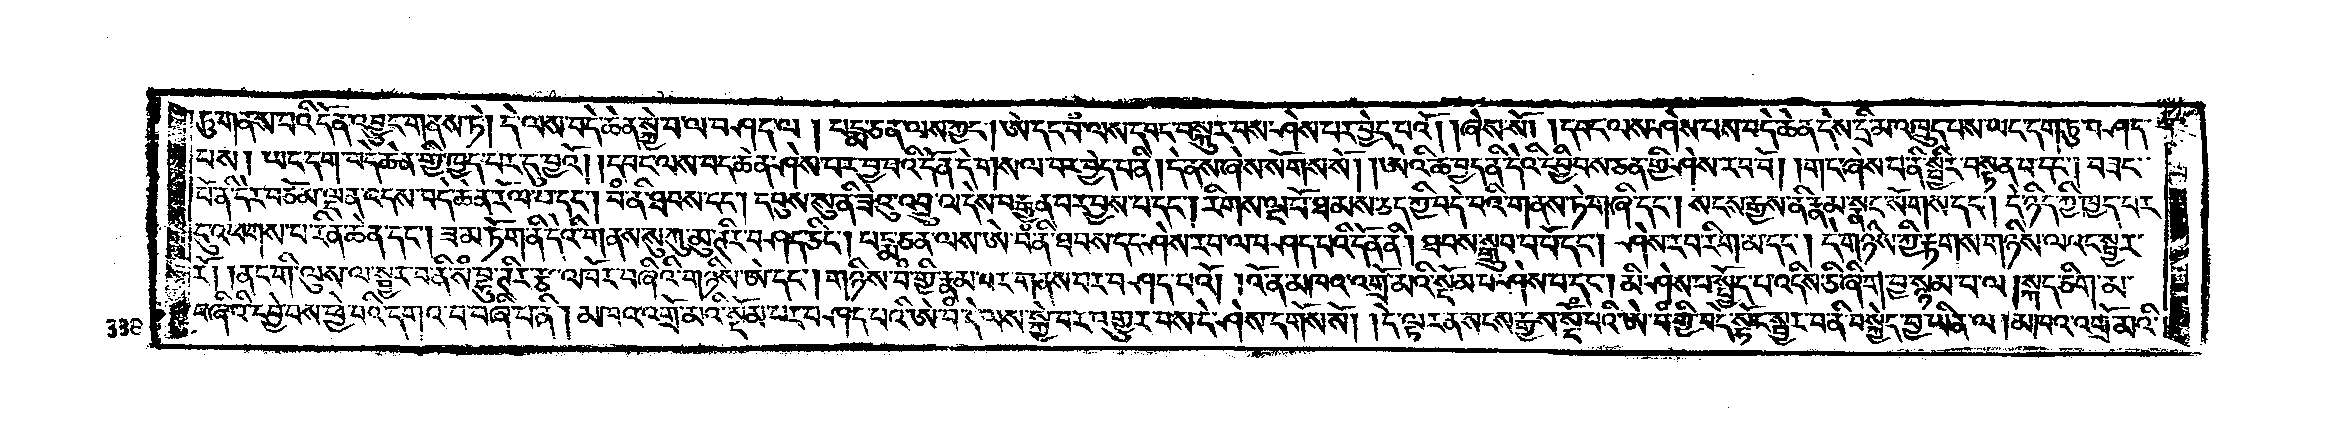ཏུ་གནས་པའི་དོན་འབྱུང་གནས་ཏེ། དེ་ལས་བདེ་ཆེན་སྐྱེ་བ་ལ་བཤད་ལ། པདམ་ཅན་ལས་ཀྱང་། ཨེ་དང་བཾ་ལས་དབང་བསྐུར་བས་ཤེས་པར་བྱེད་པའོ། །ཞེས་སོ། །དབང་ལས་ཤེས་པས་བདེ་ཆེན་དེས་དྲི་མ་འཁྲུད་པས་ཡང་དག་ཏུ་བཤད་
པས། ཡང་དག་བདེ་ཆེན་གྱི་ཁྱད་པར་དུ་བྱའོ། །དབང་ལས་བདེ་ཆེན་ཤེས་པར་བྱ་བའི་དོན་དེ་གསལ་བར་བྱེད་པ་ནི། དེ་ནས་ཞེས་སོགས་སོ། །ཨེའི་ཆ་བྱེད་ནི་དེའི་དབྱིབས་ཅན་གྱི་ཤེས་རབ་བོ། །གང་ཞེས་པ་ནི་སྤྱིར་བསྟན་པ་དང་། བཟང་
པོ་ནི་དེར་བཅོམ་ལྡན་འདས་བདེ་ཆེན་རོལ་པ་དང་། བཾ་ནི་ཐབས་དང་། དབུས་སུ་ནི་ཟེའུ་འབྲུ་ལ་དེས་བརྒྱན་པར་བྱས་པ་དང་། རིགས་ལྔ་པོ་ཐམས་ཅད་ཀྱི་བདེ་བའི་གནས་ཏེ་གཞི་དང་། སངས་རྒྱས་ནི་རྣམ་སྣང་སོགས་དང་། དེ་ཉིས་ཀྱི་ཁྱད་པར་
དུ་འཕགས་པ་རིན་ཆེན་དང་། ཟ་མ་ཏོག་ནི་དེའི་གནས་སུ་ཀུ་མུ་ཊིར་བཤད་ཅིང་། པདམ་ཅན་ལས་ཨེ་བཾ་ནི་ཐབས་དང་ཤེས་རབ་ལ་བཤད་པའི་དོན་ནི། ཐབས་སྒྲུབ་པ་པོ་དང་། ཤེས་རབ་རིག་མ་དང་། དེ་གཉིས་ཀྱི་རྟགས་གཉིས་ལའང་སྦྱར་
རོ། །ནང་གི་ལུས་ལ་སྦྱར་བ་ནི་སཾ་བྷུ་ཊིར་རྩ་འཁོར་བཞིའི་གཉིས་ཨེ་དང་། གཉིས་བཾ་གྱི་རྣམ་པར་གནས་པར་བཤད་པའོ། །འོ་ན་མཁའ་འགྲོ་མའི་སྡོམ་པ་ཤེས་པ་དང་། མི་ཤེས་པ་སྤྱོད་པ་འདིས་ཅི་ཞིག་བྱ་སྙམ་པ་ལ། སྐད་ཅིག་མ་
བཞིའི་དབྱེ་བས་ཕྱེ་བའི་དགའ་བ་བཞི་པ་ནི། མཁའ་འགྲོ་མའི་སྡོམ་པར་བཤད་པའི་ཨེ་བཾ་དེ་ལས་སྐྱེ་བར་འགྱུར་བས་དེ་ཤེས་དགོས་སོ། །དེ་ལྟར་ན་སངས་རྒྱས་སྡོཾ་པའི་ཨེ་བཾ་གྱི་བདེ་སྟོང་སྦྱར་བ་ནི་བསྐྱེད་བྱ་ཡིན་ལ། མཁའ་འགྲོ་མའི་